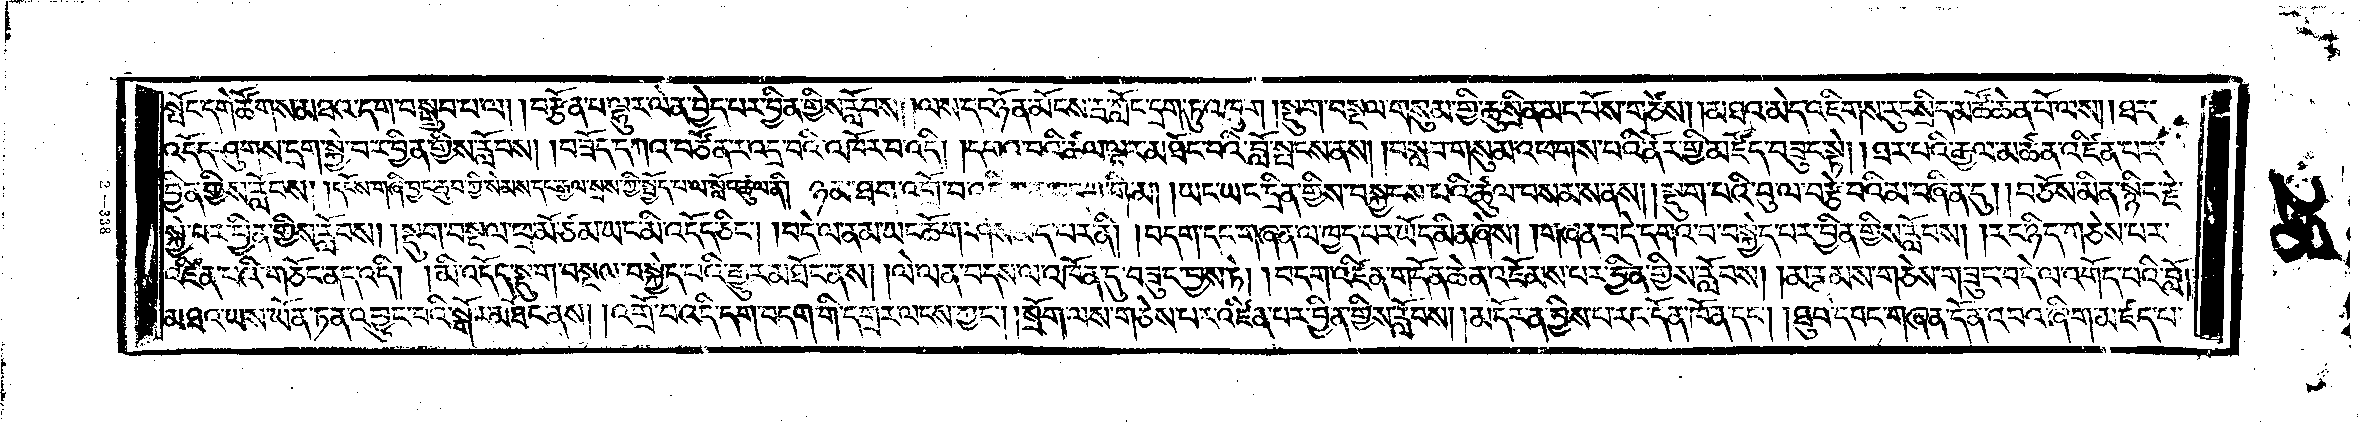སྤོང་དགེ་ཚོགས་མཐའ་དག་བསྒྲུབ་པ་ལ། །བརྩོན་པ་ལྷུར་ལེན་བྱེད་པར་བྱིན་གྱིས་རློབས། །ལས་དང་ཉོན་མོངས་རྦ་ཀློང་དྲག་ཏུ་འཁྲུག །སྡུག་བསྔལ་གསུམ་གྱི་ཆུ་སྲིན་མང་པོས་གཙེས། །མཐའ་མེད་འཇིགས་རུང་སྲིད་མཚོ་ཆེན་པོ་ལས། །ཐར་
འདོད་ཤུགས་དྲག་སྐྱེ་བར་བྱིན་གྱིས་རློབས། །བཟོད་དཀའ་བཙོན་ར་འདྲ་བའི་འཁོར་བ་འདི། །དགའ་བའི་ཚལ་ལྟར་མཐོང་བའི་བློ་སྤངས་ནས། །བསླབ་གསུམ་འཕགས་པའི་ནོར་གྱི་མཛོད་བཟུང་སྟེ། །ཐར་པའི་རྒྱལ་མཚན་འཛིན་པར་
བྱིན་གྱིས་རློབས། །དངོས་གཞི་བྱང་ཆུབ་ཀྱི་སེམས་དང་རྒྱལ་སྲས་ཀྱི་སྤྱོད་པ་ལ་སློབ་ཚུལ་ནི།  ཉམ་ཐག་འགྲོ་བ་འདི་ཀུན་བདག་གི་མ། །ཡང་ཡང་དྲིན་གྱིས་བསྐྱངས་པའི་ཚུལ་བསམས་ནས། །སྡུག་པའི་བུ་ལ་བརྩེ་བའི་མ་བཞིན་དུ། །བཅོས་མིན་སྙིང་རྗེ་
སྐྱེ་བར་བྱིན་གྱིས་རློབས། །སྡུག་བསྔལ་ཕྲ་མོ་ཙམ་ཡང་མི་འདོད་ཅིང་། །བདེ་ལ་ནམ་ཡང་ཆོག་ཤེས་མད་པར་ནི། །བདག་དང་གཞན་ལ་ཁྱད་པར་ཡོད་མིན་ཞེས། །གཞན་བདེ་དགའ་བ་བསྐྱེད་པར་བྱིན་གྱིས་རློབས། །རང་ཉིད་གཅེས་པར་
འཛིན་པའི་གཅོད་ནད་འདི། །མི་འདོད་སྡུག་བསྔལ་བསྐྱེད་པའི་རྒྱུར་མཐོང་ནས། །ལེ་ལན་བདས་ལ་འཁོན་དུ་བཟུང་བྱས་ཏེ། །བདག་འཛིན་གདོན་ཆེན་འཇོམས་པར་བྱིན་གྱིས་རློབས། །མ་རྣམས་གཅེས་གཟུང་བདེ་ལ་འགོད་པའི་བློ།
མཐའ་ཡས་ཡོན་ཏན་འབྱུང་བའི་སྒོར་མཐོང་ནས། །འགྲོ་བ་འདི་དག་བདག་གི་དགྲར་ལངས་ཀྱང་། །སྲོག་ལས་གཅེས་པར་འཛིན་པར་བྱིན་གྱིས་རློབས། །མདོར་ན་བྱིས་པ་རང་དོན་ཁོ་ན་དང་། །ཐུབ་དབང་གཞན་དོན་འབའ་ཞིག་མཛད་པ་